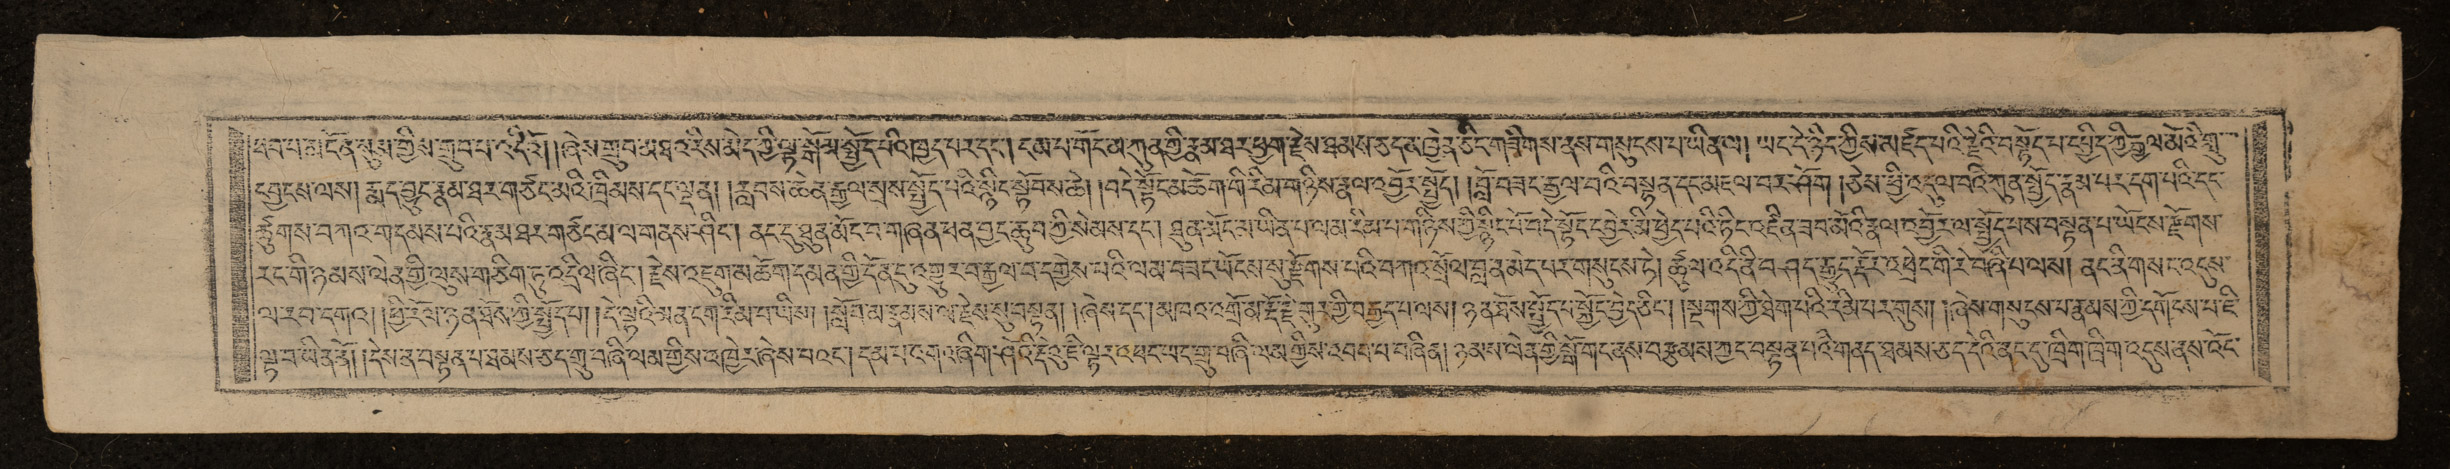ཕབ་པ་མངོན་སུམ་གྱིས་གྲུབ་པ་འདིའོ། །ཞེས་གྲུབ་མཐའ་རིས་མེད་ཀྱི་ལྷ་སྒོམ་སྤྱོད་པའི་ཁྱད་པར་དང་། དམ་པ་གོང་མ་ཀུན་གྱི་རྣམ་པར་ཕྱག་རྗེས་ཐམས་ཅད་མཁྱེན་ཅིང་གཟིགས་ནས་གསུངས་པ་ཡིན་ལ། ཡང་དེ་ཉིད་ཀྱིས་མཛད་པའི་རྗེའི་བསྟོད་པ་དཔྱིད་ཀྱི་རྒྱལ་མོའི་གླུ་
དབྱངས་ལས། རྨད་བྱུང་རྣམ་ཐར་གཙང་མའི་ཁྲིམས་དང་ལྡན། །རླབས་ཆེན་རྒྱལ་སྲས་སྤྱོད་པའི་སྙིང་སྟོབས་ཆེ། །བདེ་སྟོང་མཆོག་གི་རིམ་གཉིས་རྣལ་འབྱོར་སྤྱོད། །བློ་བཟང་རྒྱལ་བའི་བསྟན་དང་མཇལ་པར་ཤོག །ཅེས་ཕྱི་འདུལ་བའི་ཀུན་སྤྱོད་རྣམ་པར་དག་པའི་དང་
ཚུགས་བཀའ་གདམས་པའི་རྣམ་ཐར་གཙང་མ་ལ་གནས་ཤིང་། ནང་དུ་ཐུན་མོང་བ་གཞན་ཕན་བྱང་ཆུབ་ཀྱི་སེམས་དང་། ཐུན་མོང་མ་ཡིན་པ་ལམ་རིམ་པ་གཉིས་ཀྱི་སྙིང་པོ་བདེ་སྟོང་དབྱེར་མི་ཕྱེད་བའི་ཏིང་འཛིན་ཟབ་མོའི་རྣལ་འབྱོར་ལ་སྤྱོད་པས་བསྟན་པ་ཡོངས་རྫོགས་
རང་གི་ཉམས་ལེན་གྱི་ལུས་གཅིག་ཏུ་འདྲིལ་ཞིང་། རྗེས་འཇུག་མཆོག་དམན་གྱི་དོན་དུ་འགྱུར་བ་རྒྱལ་བ་དགྱེས་པའི་ལམ་བཟང་ཡོངས་སུ་རྫོགས་པའི་བཀའ་སྲོལ་བླ་ན་མེད་པར་གསུངས་ཏེ། ཚུལ་འདི་ནི་བཤད་རྒྱུད་རྡོར་འཕྲེང་གི་རེ་བཞི་པ་ལས། ནང་ནི་གསང་འདུས་
ལ་རབ་དགའ། །ཕྱི་རོལ་ཉན་ཐོས་ཀྱི་སྤྱོད་པ། །དེ་ལྟའི་མན་ངག་རིམ་པ་ཡིས། །སློབ་མ་རྣམས་ལ་རྗེས་སུ་བསྟན། །ཞེས་དང་། མཁའ་འགྲོ་མ་རྡོ་རྗེ་གུར་གྱི་བརྒྱད་པ་ལས། ཉན་ཐོས་སྤྱོད་པ་སྐྱོང་བྱེད་ཅིང་། །སྔགས་ཀྱི་ཐེག་པའི་རིམ་བར་གུས། །ཞེས་གསུངས་པ་རྣམས་ཀྱི་དགོངས་པ་ཇི་
ལྟ་བ་ཡིན་ནོ། །དེས་ན་བསྟན་པ་ཐམས་ཅད་གྲུ་བཞི་ལམ་གྱིས་འཁྱེར་ཞེས་པའང་། དམ་པ་འགའ་ཞིག་ཤོའི་རྡེའུ་ཇི་ལྟར་འཕང་ཡང་གྲུ་བཞི་ལམ་གྱིས་འབབ་པ་བཞིན། ཉམས་ལེན་གྱི་སྒོ་གང་ནས་བརྩམས་ཀྱང་བསྟན་པའི་གནད་ཐམས་ཅད་དེའི་ནང་སུ་ཁྲིག་ཁྲིག་འདུས་ནས་འོང་